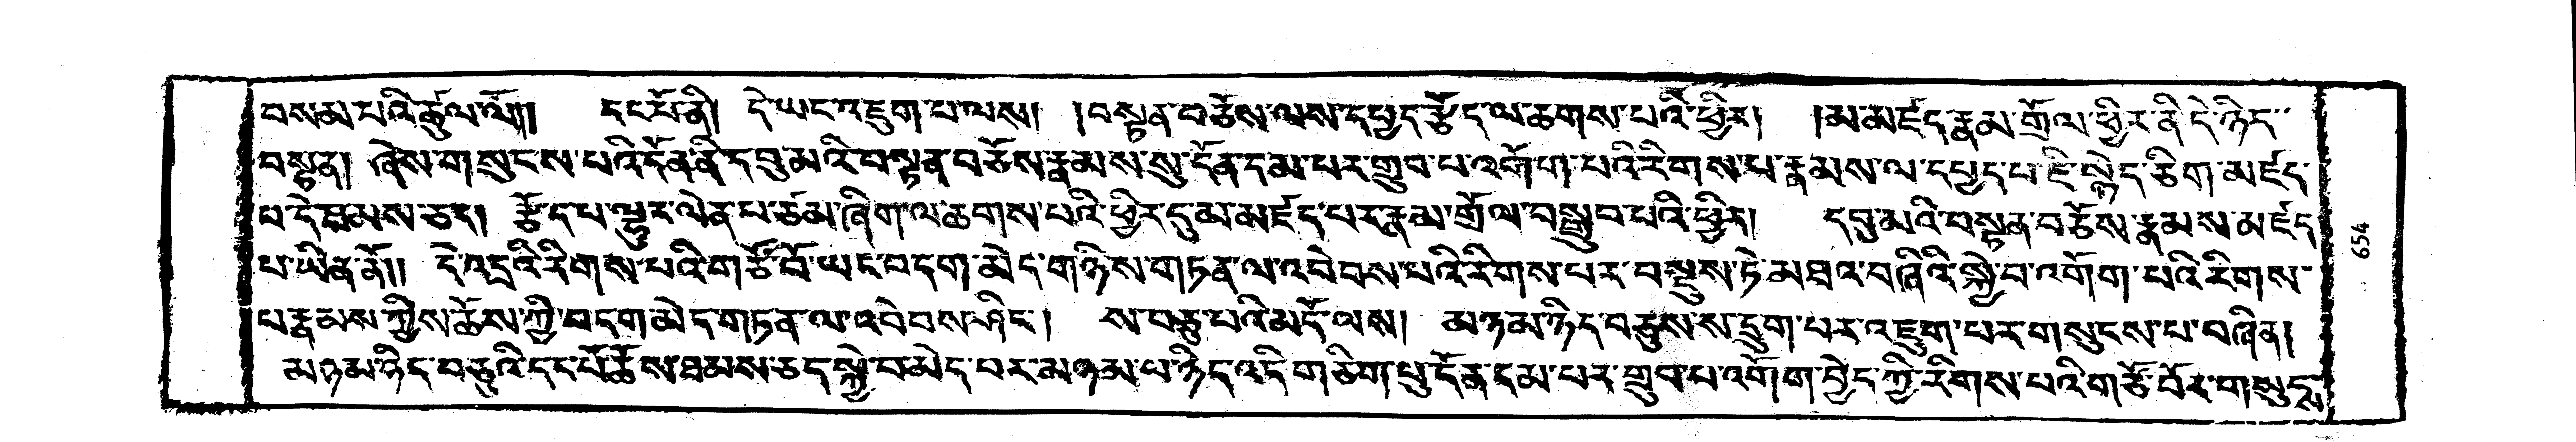བསམ་པའི་ཚུལ་ལོ། །དང་པོ་ནི། དེ་ཡང་འཇུག་པ་ལས། བསྟན་བཅོས་ལས་དཔྱད་རྩོད་ལ་ཆགས་པའི་ཕྱིར། །མ་མཛད་རྣམ་གྲོལ་ཕྱིར་ནི་དེ་ཉིད་
བསྟན། ཞེས་གསུངས་པའི་དོན་ནི་དབུ་མའི་བསྟན་བཅོས་རྣམས་སུ་དོན་དམ་པར་གྲུབ་པ་འགོག་པའི་རིགས་པ་རྣམས་ལ་དཔྱད་པ་ཇི་སྙེད་ཅིག་མཛད་
པ་དེ་ཐམས་ཅད། རྩོད་པ་ལྷུར་ལེན་པ་ཙམ་ཞིག་ལ་ཆགས་པའི་ཕྱིར་དུ་མ་མཛད་པར་རྣམ་གྲོལ་བསྒྲུབ་པའི་ཕྱིར། དབུ་མའི་བསྟན་བཅོས་རྣམས་མཛད་
པ་ཡིན་ནོ། །དེ་འདྲའི་རིགས་པའི་གཙོ་བོ་ཡང་བདག་མེད་གཉིས་གཏན་ལ་འབེབས་པའི་རིགས་པར་བསྡུས་ཏེ་མཐའ་བཞིའི་སྐྱེ་བ་འགོག་པའི་རིགས་
པ་རྣམས་ཀྱིས་ཆོས་ཀྱི་བདག་མེད་གཏན་ལ་འབེབས་ཤིང་། ས་བཅུ་པའི་མདོ་ལས། མཉམ་ཉིད་བཅུས་ས་དྲུག་པར་འཇུག་པར་གསུངས་པ་བཞིན།
མཉམ་ཉིད་བཅུའི་དང་པོ་ཆོས་ཐམས་ཅད་སྐྱེ་བ་མེད་པར་མཉམ་པ་ཉིད་འདི་གཅིག་པུ་དོན་དམ་པར་གྲུབ་པ་འགོག་བྱེད་ཀྱི་རིགས་པའི་གཙོ་བོར་གསུངས་